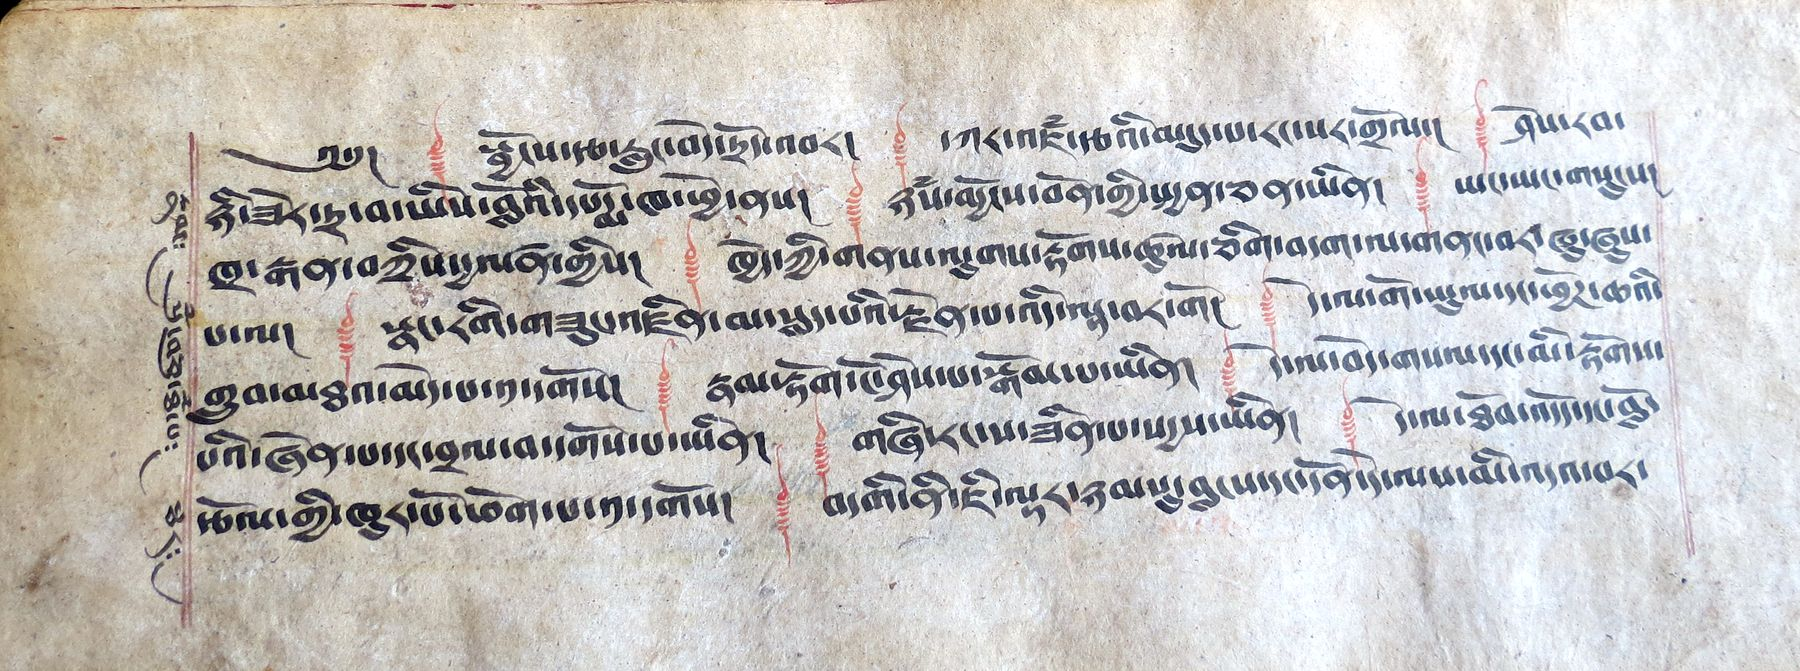སྦྱོང་རྩ་རླུང་བདེ་དྲོད་འབར། དཀར་འཇམ་རྩའི་མདུད་པ་རང་སར་གྲོལ། ཤེས་རབ་
ཉི་ཟེར་འདྲ་བ་བློའི་པདྨ་ཁ་བྱེ་ནས། ཉམས་མྱོང་བོན་གྱི་སྤྱན་ཅན་ཡིན་ཡང་ཡང་གསུངས། 
ཁྲ་རྒན་བཀྲ་ཤིས་རྒྱལ་མཚན་གྱིས་ཁྱེད་ཀྱིས་གནས་ལུགས་རྟོགས་ཚུལ་ཞིག་བདག་ལ་གནང་བར་ཞུ་ཞུས་
པ་ལ། སྣང་སྲིད་བཟུང་འཛིན་གྱིས་མ་བསླད་པའི་རྗེན་པ་འདི་ལྟ་བར་གོ། དེ་ལ་གོ་ཡུལ་དང་ཕྱོགས་ཆའི་
གྲུབ་མཐའ་མེད་པ་ཞིག་དགོས། རྣམ་རྟོག་ངོ་ཤེས་པ་སྒོམ་པ་ཡིན། དེ་ལ་བདེ་གསལ་མི་རྟོག་
པའི་ཞེན་པ་དང་བྲལ་དགོས་པ་ཡིན། གཞི་རང་ས་ཟིན་པ་སངས་རྒྱས་ཡིན། དེ་ལ་ཐོབ་བློའི་
རྩོལ་བའི་ཁུར་པོ་ཕོག་པ་ཞིག་དགོས། བདག་གིས་ནི་ཅི་ལྟར་ཉམས་སུ་བླངས་ཀྱང་། དོན་དེ་ལས་མི་འདའ་བར་